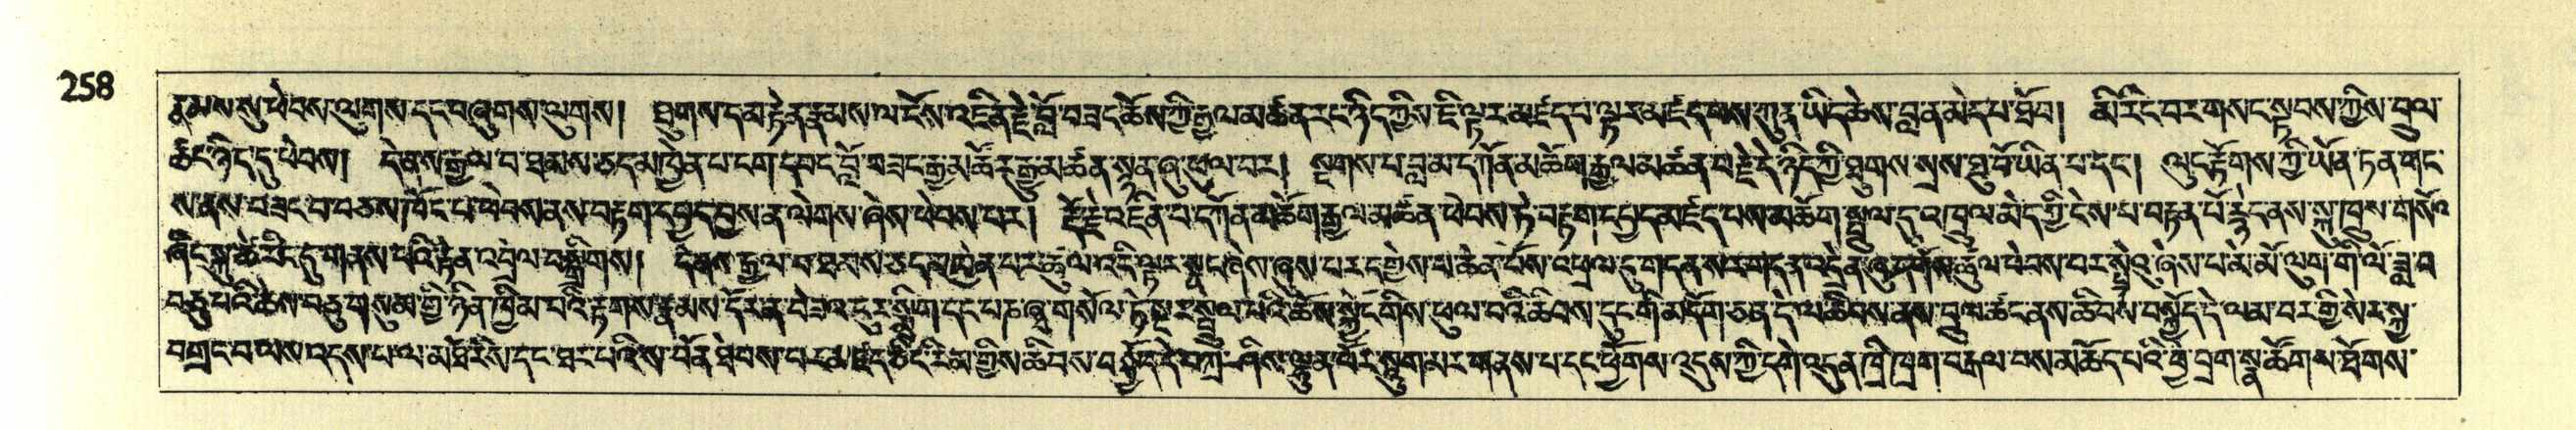རྣམས་སུ་ཕེབས་ལུགས་དང་བཞུགས་ལུགས། ཐུགས་དམ་རྟེན་རྣམས་ལ་ངོས་འཛིན་རྗེ་བློ་བཟང་ཆོས་ཀྱི་རྒྱལ་མཚན་རང་ཉིད་ཀྱིས་ཇི་ལྟར་མཛད་པ་ལྟར་མཛད་པས་ཀུན་ཡིད་ཆེས་བླ་ན་མེད་པ་ཐོབ། མི་རིང་བར་གསང་སྟབས་ཀྱིས་བྲུལ་
ཚང་ཉིད་དུ་ཕེབས། དེ་ནས་རྒྱལ་བ་ཐམས་ཅད་མཁྱེན་པ་ངག་དབང་བློ་བཟང་རྒྱ་མཚོར་རྒྱུ་མཚན་སྙན་ཞུ་ཕུལ་བར། སྔགས་པ་བླ་མ་དཀོན་མཆོག་རྒྱལ་མཚན་བརྗེ་དེ་ཉིད་ཀྱི་ཐུགས་སྲས་ཐུ་བོ་ཡིན་པ་དང་། ལུང་རྟོགས་ཀྱི་ཡོན་ཏན་གང་
ས་ནས་བཟང་བ་བཅས་ཁོང་པ་ཕེབས་ནས་བརྟག་དབྱད་བྱས་ན་ལེགས་ཞེས་ཕེབས་པར། རྡོ་རྗེ་འཛིན་པ་དཀོན་མཆོག་རྒྱལ་མཚན་ཕེབས་ཏེ་བརྟག་དཔྱད་མཛད་པས་མཆོག་སྤྲུལ་དུ་འཁྲུལ་མེད་ཀྱི་ངེས་པ་བརྟན་པོ་རྙེད་ནས་སྐུ་ཁྲུས་གསོལ་
ཞིང་སྐུ་ཚེ་རིང་དུ་གནས་པའི་རྟེན་འབྲེལ་བསྒྲིགས། དེ་ནས་རྒྱལ་བ་ཐམས་ཅད་མཁྱེན་པར་ཚུལ་འདི་ལྟར་སྣང་ཞེས་ཞུས་པར་དགྱེས་པ་ཆེན་པོས་འཕྲལ་དུ་གདན་སར་གདན་འདྲེན་ཞུ་དགོས་ཚུལ་ཕེབས་བར་སྤྲེའུ་ཞེས་པ་མེ་མོ་ལུག་གི་ལོ་ཟླ་བ་
བཅུ་པའི་ཚེས་བཅུ་གསུམ་གྱི་ཉིན་ཁྱིམ་པའི་རྟགས་རྣམས་དོར་ན་བཟའ་དུར་སྨྲིག་དང་པཎ་ཞྭ་གསོལ་ཏེ་སྔར་སྦྲུལ་པའི་ཆོས་སྐྱོང་གིས་ཕུལ་བའི་ཆིབས་དུང་གི་མདོག་ཅན་དེ་ལ་ཆིབས་ནས་བྲུལ་ཚང་ནས་ཆིབས་བསྐྱོད་དེ་ལམ་བར་གྱི་སེར་སྐྱ་
བགྲང་བ་ལས་འདས་པ་ལ་མཐོ་རིས་དང་ཐར་པའི་ས་བོན་ཐེབས་བར་མཛད་ཅིང་རིམ་གྱིས་ཆིབས་བསྐྱོད་དེ་བཀྲ་ཤིས་ལྷུན་པོར་སྙུག་མར་གནས་པ་དང་ཕྱོགས་འདུས་ཀྱི་དགེ་འདུན་ཁྲི་ཁྲག་བརྒལ་བས་མཆོད་པའི་བྱེ་བྲག་སྣ་ཚོགས་ཐོགས་